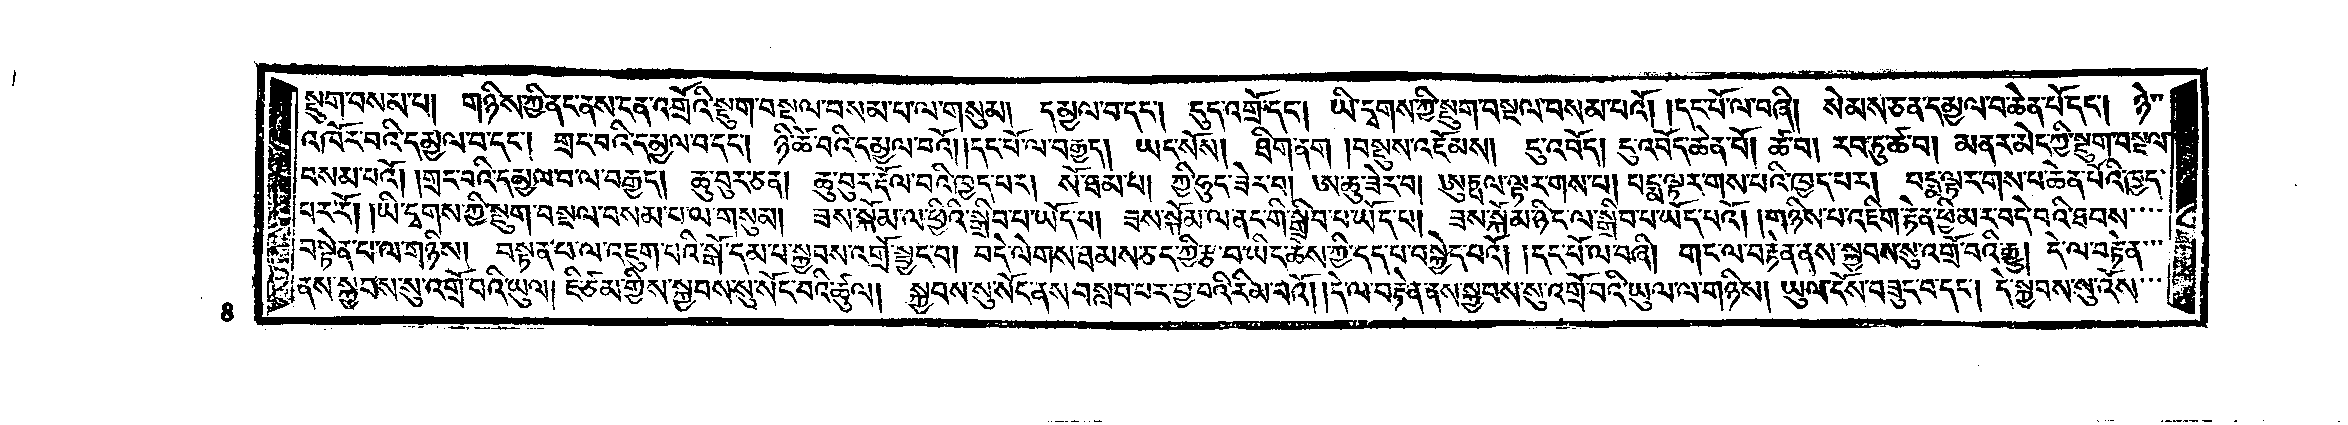སྡུག་བསམ་པ། གཉིས་ཀྱི་ནང་ནས་ངན་འགྲོའི་སྡུག་བསྔལ་བསམ་པ་ལ་གསུམ། དམྱལ་བ་དང་། དུད་འགྲོ་དང་། ཡི་དྭགས་ཀྱི་སྡུག་བསྔལ་བསམ་པའོ། །དང་པོ་ལ་བཞི། སེམས་ཅན་དམྱལ་བ་ཆེན་པོ་དང་། ཉེ་
འཁོར་བའི་དམྱལ་བ་དང་། གྲང་བའི་དམྱལ་བ་དང་། ཉི་ཚེ་བའི་དམྱལ་བའོ། །དང་པོ་ལ་བརྒྱད། ཡང་སོས། ཐིག་ནག །བསྡུས་འཇོམས། ངུ་འབོད། ངུ་འབོད་ཆེན་པོ། ཚ་བ། རབ་ཏུ་ཚ་བ། མནར་མེད་ཀྱི་སྡུག་བསྔལ་
བསམ་པའོ། །གྲང་བའི་དམྱལ་བ་ལ་བརྒྱད། ཆུ་བུར་ཅན། ཆུ་བུར་རྡོལ་བའི་ཁྱད་པར། སོ་ཐམ་པ། ཀྱི་ཧུད་ཟེར་བ། ཨ་ཆུ་ཟེར་བ། ཨུཏྤལ་ལྟར་གས་པ། པདམ་ལྟར་གས་པའི་ཁྱད་པར། པདམ་ལྟར་གས་པ་ཆེན་པོའི་ཁྱད་
པར་རོ། །ཡི་དྭགས་ཀྱི་སྡུག་བསྔལ་བསམ་པ་ལ་གསུམ། ཟས་སྐོམ་ལ་ཕྱིའི་སྒྲིབ་པ་ཡོད་པ། ཟས་སྐོམ་ལ་ནང་གི་སྒྲིབ་པ་ཡོད་པ། ཟས་སྐོམ་ཉིད་ལ་སྒྲིབ་པ་ཡོད་པའོ། །གཉིས་པ་འཇིག་རྟེན་ཕྱི་མར་བདེ་བའི་ཐབས་
བསྟེན་པ་ལ་གཉིས། བསྟན་པ་ལ་འཇུག་པའི་སྒོ་དམ་པ་སྐྱབས་འགྲོ་སྦྱང་བ། བདེ་ལེགས་ཐམས་ཅད་ཀྱི་རྩ་བ་ཡིད་ཆེས་ཀྱི་དད་པ་བསྐྱེད་པའོ། །དང་པོ་ལ་བཞི། གང་ལ་བརྟེན་ནས་སྐྱབས་སུ་འགྲོ་བའི་རྒྱུ། དེ་ལ་བརྟེན་
ནས་སྐྱབས་སུ་འགྲོ་བའི་ཡུལ། ཇི་ཙམ་གྱིས་སྐྱབས་སུ་སོང་བའི་ཚུལ། སྐྱབས་སུ་སོང་ནས་བསླབ་པར་བྱ་བའི་རིམ་པའོ། །དེ་ལ་བརྟེན་ནས་སྐྱབས་སུ་འགྲོ་བའི་ཡུལ་ལ་གཉིས། ཡུལ་ངོས་བཟུང་བ་དང་། དེ་སྐྱབས་སུ་འོས་